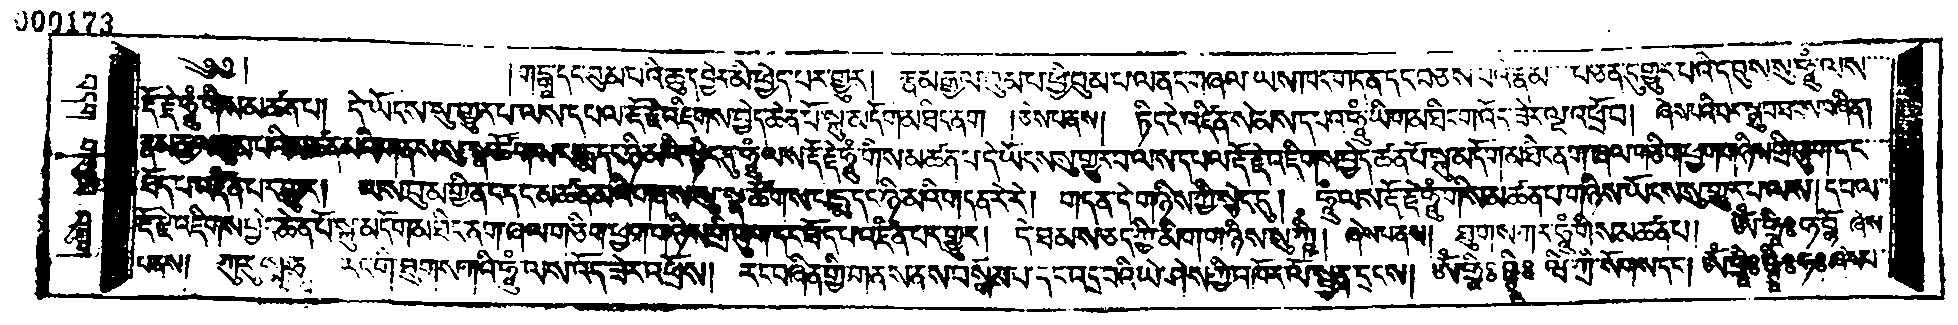༄༅། །གངྒཱ་དང་བུམ་པའི་ཆུ་དབྱེར་མི་ཕྱེད་པར་གྱུར། རྣམ་རྒྱལ་བུམ་པ་ཕྱི་བུམ་པ་ལ་ནང་གཞལ་ཡས་ཁང་གདན་དང་བཅས་པའི་རྣམ་པ་ཅན་དུ་གྱུར་པའི་དབུས་སུ་ཧཱུཾ་ལས་
རྡོ་རྗེ་ཧཱུཾ་གིས་མཚན་པ། དེ་ཡོངས་སུ་གྱུར་པ་ལས་དཔལ་རྡོ་རྗེ་འཇིགས་བྱེད་ཆེན་པོ་སྐུ་མདོག་མཐིང་ནག་།ཅེས་པ་ནས།  ཏིང་ངེ་འཛིན་སེམས་དཔའ་ཧཱུཾ་ཡིག་མཐིང་ག་འོད་ཟེར་ལྔ་འཕྲོ་བ། ཞེས་པའི་བར་སྒྲུབ་ཐབས་བཞིན།
རྣམ་རྒྱལ་བུམ་པའི་མཚན་མའི་གནས་སུ་སྣ་ཚོགས་པདམ་དང་ཉི་མའི་སྟེང་དུ་ཧཱུཾ་ལས་རྡོ་རྗེ་ཧཱུཾ་གིས་མཚན་པ་དེ་ཡོངས་སུ་གྱུར་བ་ལས་དཔལ་རྡོ་རྗེ་འཇིགས་བྱེད་ཚན་པོ་སྐུ་མདོག་མཐིང་ནག་ཞལ་གཅིག་ཕྱག་གཉིས་གྲི་གུག་དང་
ཐོད་པ་འཛིན་པར་གྱུར། ལས་བུམ་གྱི་ནང་དང་མཚན་མའི་གནས་སུ་སྣ་ཚོགས་པདམ་དང་ཉི་མའི་གདན་རེ་རེ། གདན་དེ་གཉིས་ཀྱི་སྟེང་དུ། ཧཱུཾ་ལས་རྡོ་རྗེ་ཧཱུཾ་གིས་མཚན་པ་གཉིས་ཡོངས་སུ་གྱུར་པ་ལས། དཔལ་
རྡོ་རྗེ་འཇིགས་བྱེད་ཆེན་པོ་སྐུ་མདོག་མཐིང་ནག་ཞལ་གཅིག་ཕྱག་གཉིས་གྲི་གུག་དང་ཐོད་པ་འཛིན་པར་གྱུར། དེ་ཐམས་ཅད་ཀྱི་མིག་གཉིས་སུ་ཀྵིཾ། ཞེས་པ་ནས།  ཐུགས་ཀར་ཧཱུཾ་གིས་མཚན་པ། ཨོཾ་ཧྲཱིཿ ཧ་བྷོ་ཞེས་
པ་ནས། ཀུ་རུ་སྭཱཧཱ། རང་གི་ཐུགས་ཀའི་ཧཱུཾ་ལས་འོད་ཟེར་འཕྲོས། རང་བཞིན་གྱི་གནས་ནས་བསྒོམ་པ་དང་འདྲ་བའི་ཡེ་ཤེས་ཀྱི་འཁོར་ལོ་སྤྱན་དྲངས། ཨོཾ་ཧྲཱིཿ ཥྚྲཱིཿ ཝི་ཀྲི་སོགས་དང་། ཨོཾ་ཧྲཱིཿ ཥྚྲཱིཿ ཧཿ ཞེས་པ་